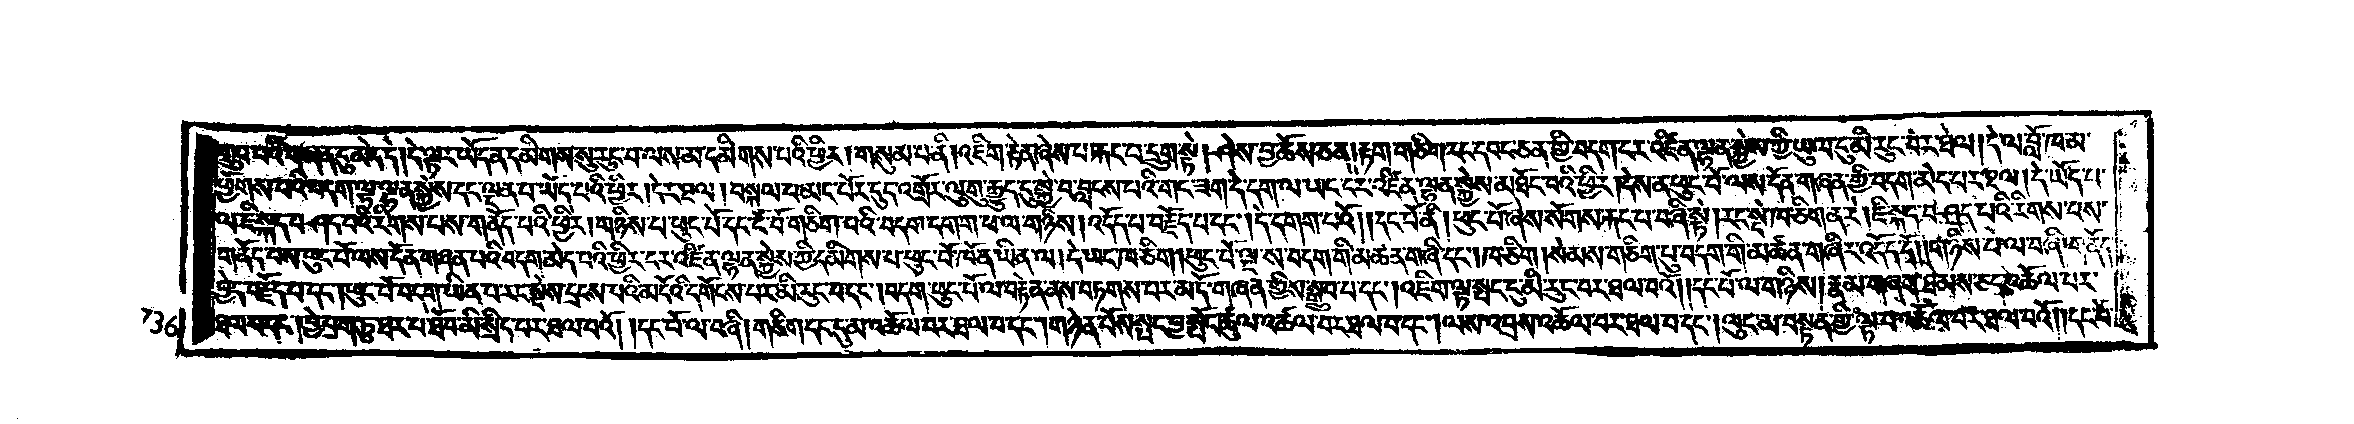གྲུབ་པའི་གཞན་དུ་མེད་དེ། དེ་ལྟར་ཡོད་ན་དམིགས་སུ་རུང་བ་ལས་མ་དམིགས་པའི་ཕྱིར། གསུམ་པ་ནི། འཇིག་རྟེན་ཞེས་པ་རྐང་པ་དྲུག་སྟེ། ཤེས་བྱ་ཆོས་ཅན། རྟག་གཅིག་རང་དབང་ཅན་གྱི་བདག་ངར་འཛིན་ལྷན་སྐྱེས་ཀྱི་ཡུལ་དུ་མི་རུང་བར་ཐལ། དེ་ལ་བློ་ཁ་མ་
ཕྱོགས་པའི་བདག་ལྟ་ལྷན་སྐྱེས་དང་ལྡན་པ་ཡོད་པའི་ཕྱིར། དེར་ཐལ། བསྐལ་པ་མང་པོར་དུད་འགྲོར་ལུ་གུ་རྒྱུད་དུ་སྐྱེ་བ་བླངས་པའི་གང་ཟག་དེ་དག་ལ་ཡང་ངར་འཛིན་ལྷན་སྐྱེས་མཐོང་བའི་ཕྱིར། དེས་ན་ཕུང་པོ་ལས་དོན་གཞན་གྱི་བདག་མེད་པར་ཐལ། དེ་ཡོད་པ་
ལ་ཇི་སྐད་བཤད་པའི་རིགས་པས་གནོད་པའི་ཕྱིར། གཉིས་པ་ཕུང་པོ་དང་ངོ་བོ་གཅིག་པའི་བདག་དགག་པ་ལ་གཉིས། འདོད་པ་བརྗོད་པ་དང་། དེ་དགག་པའོ། །དང་པོ་ནི། ཕུང་པོ་ཞེས་སོགས་རྐང་པ་བཞི་སྟེ། རང་སྡེ་ཁ་ཅིག་ན་རེ། ཇི་སྐད་བཤད་པའི་རིགས་པས་
གནོད་པས་ཕུང་པོ་ལས་དོན་གཞན་པའི་བདག་མེད་པའི་ཕྱིར་ངར་འཛིན་ལྷན་སྐྱེས་ཀྱི་དམིགས་པ་ཕུང་པོ་ཁོ་ན་ཡིན་ལ། དེ་ཡང་ཁ་ཅིག །ཕུང་པོ་ལྔ་ས་བདག་གི་མཚན་གཞི་དང་། ཁ་ཅིག །སེམས་གཅིག་པུ་བདག་གི་མཚན་གཞིར་འདོད་དོ། །གཉིས་པ་ལ་བཞི་གནོད་
བྱེད་བརྗོད་པ་དང་། ཕུང་པོ་བདག་ཡིན་པ་རང་སྡེས་དྲངས་པའི་མདོའི་དགོངས་པར་མི་རུང་བ་དང་། བདག་ཕུང་པོ་ལ་བརྟེན་ནས་བཏགས་པར་མདོ་གཞན་གྱིས་སྒྲུབ་པ་དང་། འཇིག་ལྟ་སྤང་དུ་མི་རུང་བར་ཐལ་བའོ། །དང་པོ་ལ་གཉིས། རྣམ་གཞག་ཐམས་ཅད་འཆོལ་པར་
ཐལ་བ་དང་། བྱེ་བྲག་ཏུ་ཐར་པ་ཐོབ་མི་སྲིད་པར་ཐལ་བའོ། །དང་པོ་ལ་བཞི། གཅིག་དང་དུ་མ་འཆོལ་བར་ཐལ་བ་དང་། གཉེན་པོས་སྤང་བྱ་སྤོང་ཚུལ་འཚལ་བར་ཐལ་བ་དང་། ལས་འབྲས་འཆོལ་བར་ཐལ་བ་དང་། ལུང་མ་བསྟན་གྱི་ལྟ་བ་འཆོལ་བར་ཐལ་བའོ། །དང་པོ་